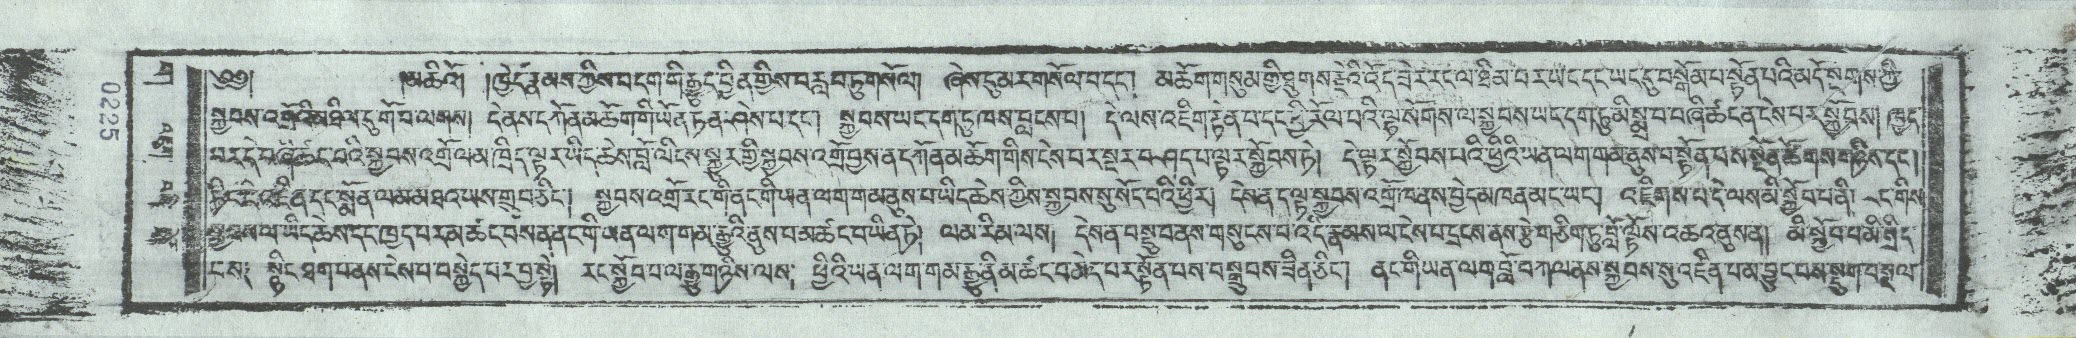༄༅། །མཆིའོ། །ཁྱེད་རྣམས་ཀྱིས་བདག་གི་རྒྱུད་བྱིན་གྱིས་བརླབ་ཏུ་གསོལ། ཞེས་དུ་མར་གསོལ་བ་དང་། མཆོག་གསུམ་གྱི་ཐུགས་རྗེའི་འོད་ཟེར་རང་ལ་ཐིམ་པར་ཡང་དང་ཡང་དུ་བསྒོམ་པ་སྟོན་པའི་མདོ་སྔགས་ཀྱི་
སྐྱབས་འགྲོའི་མཐིལ་དུ་གོ་བ་ལགས། དེ་ནས་དཀོན་མཆོག་གི་ཡོན་ཏན་ཤེས་པ་དང་། སྐྱབས་ཡང་དག་ཏུ་ཁས་བླངས་པ། དེ་ལས་འཇིག་རྟེན་པ་དང་ཕྱི་རོལ་པའི་ལྷ་སོགས་ལ་སྐྱབས་ཡང་དག་ཏུ་མི་སྨྲ་བ་བཞི་ཚང་ན་ངེས་པར་སྐྱོབས། ཁྱད་
པར་དེ་བཞི་ཚང་བའི་སྐྱབས་འགྲོ་ལམ་ཁྲིད་ལྟར་ཡིད་ཆེས་བློ་ལིངས་སྒྱུར་གྱི་སྐྱབས་འགྲོ་བྱས་ན་དཀོན་མཆོག་གིས་ངེས་པར་སྔར་བཤད་པ་ལྟར་སྐྱོབས་ཏེ། དེ་ལྟར་སྐྱོབས་པའི་ཕྱིའི་ཡན་ལག་གམ་ནུས་པ་སྟོན་པས་སྔོན་ཚོགས་གཉིས་དང་།
ཏིང་ངེ་འཛིན་དང་སྨོན་ལམ་མཐའ་ཡས་གྲུབ་ཅིང་། སྐྱབས་འགྲོ་རང་གི་ངང་གི་ཡན་ལག་གམ་ནུས་པ་ཡིད་ཆེས་ཀྱིས་སྐྱབས་སུ་སོང་བའི་ཕྱིར། དེས་ན་ད་ལྟ་སྐྱབས་འགྲོ་ཁ་ནས་བྱེད་མཁན་མང་ཡང་། འཇིགས་པ་དེ་ལས་མི་སྐྱོབ་པ་ནི། རང་གིས་
སྐྱབས་ལ་ཡིད་ཆེས་དང་ཁྱད་པར་མ་ཚང་བས་ན་ནང་གི་ཡན་ལག་གམ་རྒྱུའི་ནུས་པ་མ་ཚང་བ་ཡིན་ཏེ། ལམ་རིམ་ལས། དེས་ན་བསྡུ་བ་ནས་གསུངས་པ་འདི་རྣམས་ལ་ངེས་པ་དྲངས་ནས་རྩེ་གཅིག་ཏུ་བློ་ལྟོས་འཆའ་ནུས་ན། མི་སྐྱོབ་པ་མི་སྲིད་
པས༑ སྙིང་ཐག་པ་ནས་ངེས་པ་བསྐྱེད་པར་བྱ་སྟེ། རང་སྐྱོབ་པ་ལ་རྒྱུ་གཉིས་ལས༑ ཕྱིའི་ཡན་ལག་གམ་རྒྱུ་ནི་མ་ཚང་བ་མེད་པར་སྟོན་པས་བསྒྲུབས་ཟིན་ཅིང་། ནང་གི་ཡན་ལག་བློ་བཀལ་ནས་སྐྱབས་སུ་འཛིན་པ་མ་བྱུང་བས་སྡུག་བསྔལ་